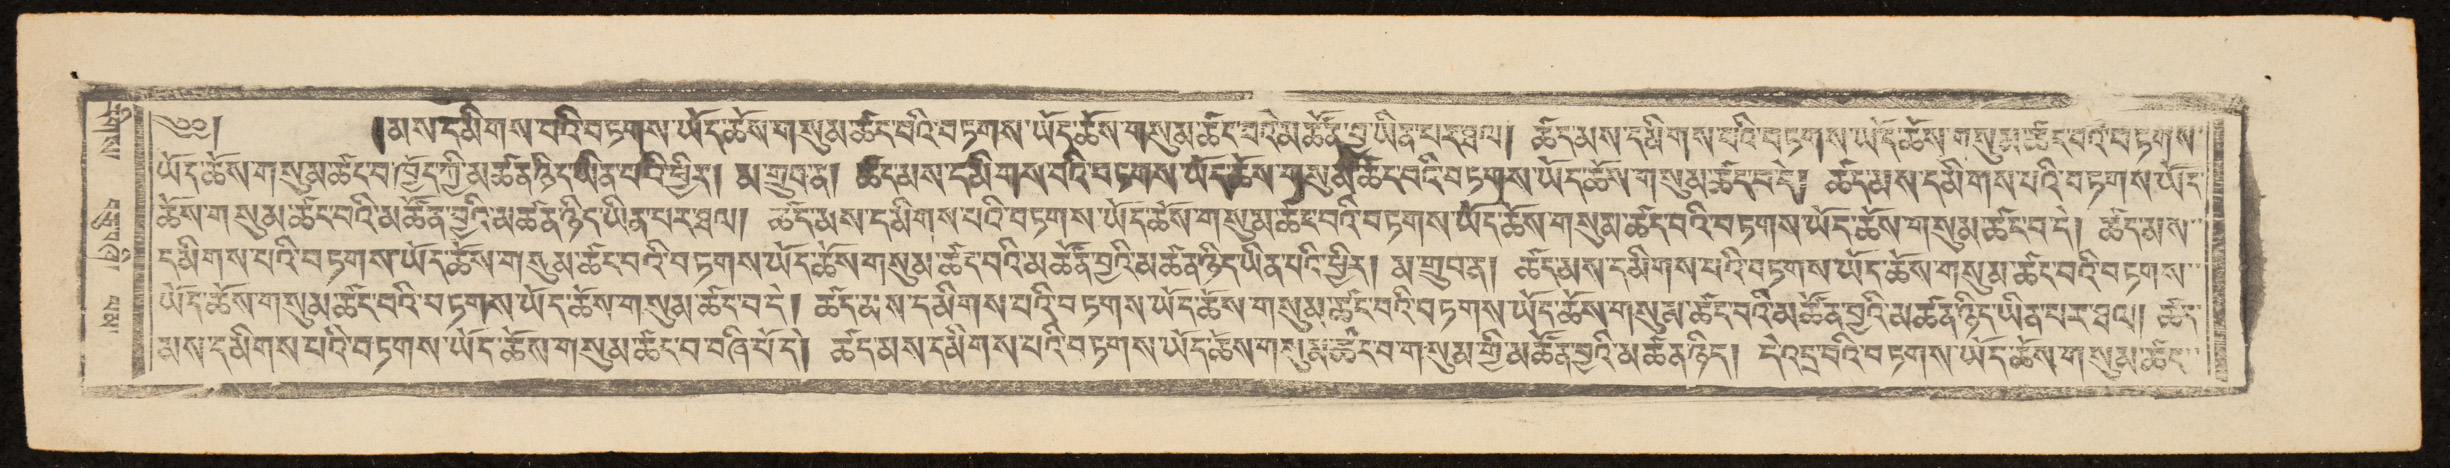༄༅། །མས་དམིགས་པའི་བཏགས་ཡོད་ཆོས་གསུམ་ཚང་བའི་བཏགས་ཡོད་ཆོས་གསུམ་ཚང་བའི་མཚོན་བྱ་ཡིན་པར་ཐལ། ཚད་མས་དམིགས་པའི་བཏགས་ཡོད་ཆོས་གསུམ་ཚང་བའི་བཏགས་
ཡོད་ཆོས་གསུམ་ཚང་བ་ཁྱོད་ཀྱི་མཚན་ཉིད་ཡིན་པའི་ཕྱིར། མ་གྲུབ་ན། ཚད་མས་དམིགས་པའི་བཏགས་ཡོད་ཆོས་གསུམ་ཚང་བའི་བཏགས་ཡོད་ཆོས་གསུམ་ཚང་བ་དེ། ཚད་མས་དམིགས་པའི་བཏགས་ཡོད་
ཆོས་གསུམ་ཚང་བའི་མཚོན་བྱའི་མཚན་ཉིད་ཡིན་པར་ཐལ། ཚད་མས་དམིགས་པའི་བཏགས་ཡོད་ཆོས་གསུམ་ཚང་བའི་བཏགས་ཡོད་ཆོས་གསུམ་ཚང་བའི་བཏགས་ཡོད་ཆོས་གསུམ་ཚང་བ་དེ། ཚད་མས་
དམིགས་པའི་བཏགས་ཡོད་ཆོས་གསུམ་ཚང་བའི་བཏགས་ཡོད་ཆོས་གསུམ་ཚང་བའི་མཚོན་བྱའི་མཚན་ཉིད་ཡིན་པའི་ཕྱིར། མ་གྲུབ་ན། ཚད་མས་དམིགས་པའི་བཏགས་ཡོད་ཆོས་གསུམ་ཚང་བའི་བཏགས་
ཡོད་ཆོས་གསུམ་ཚང་བའི་བཏགས་ཡོད་ཆོས་གསུམ་ཚང་བ་དེ། ཚད་མས་དམིགས་པའི་བཏགས་ཡོད་ཆོས་གསུམ་ཚང་བའི་བཏགས་ཡོད་ཆོས་གསུམ་ཚང་བའི་མཚོན་བྱའི་མཚན་ཉིད་ཡིན་པར་ཐལ། ཚད་
མས་དམིགས་པའི་བཏགས་ཡོད་ཆོས་གསུམ་ཚང་བ་བཞི་པོ་དེ། ཚད་མས་དམིགས་པའི་བཏགས་ཡོད་ཆོས་གསུམ་ཚང་བ་གསུམ་གྱི་མཚོན་བྱའི་མཚན་ཉིད། དེ་འདྲ་པའི་བཏགས་ཡོད་ཆོས་གསུམ་ཚང་